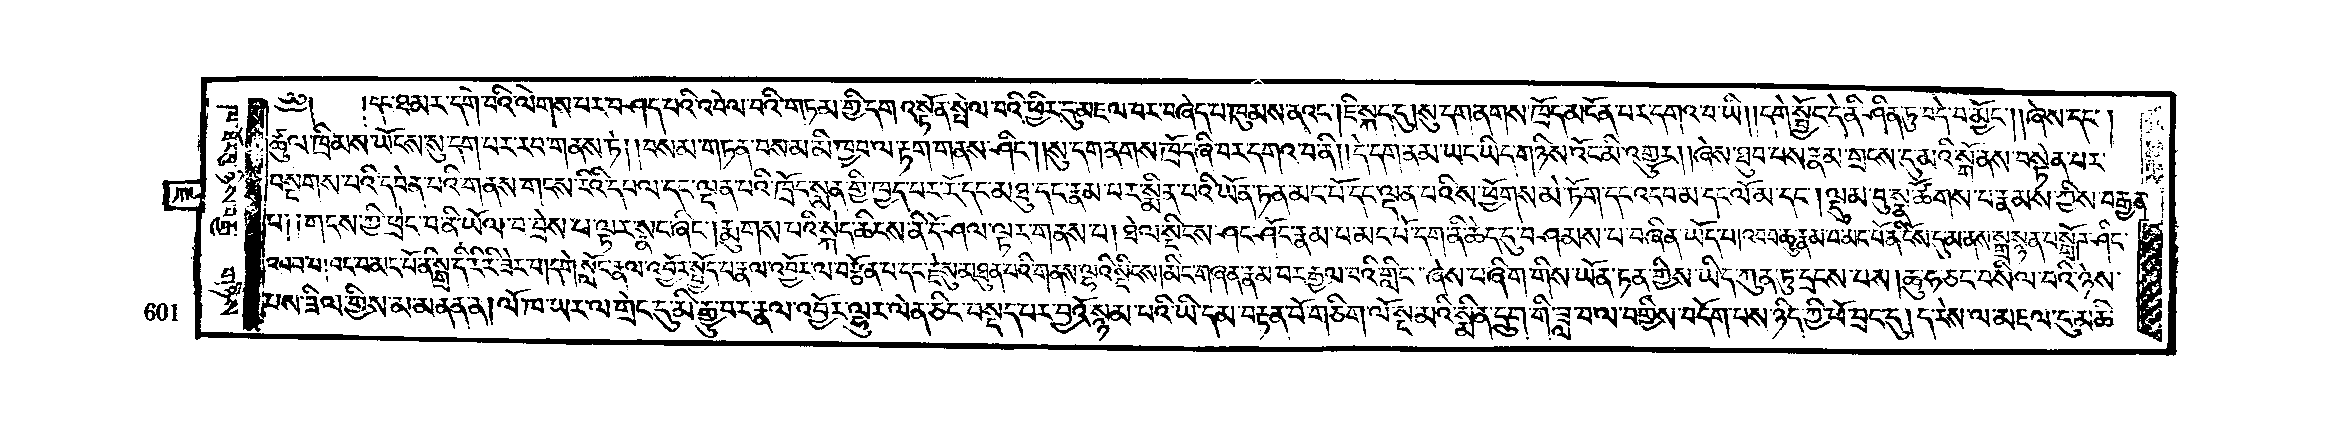༄༅། །དང་ཐ་མར་དགེ་བའི་ལེགས་པར་བཤད་པའི་འབེལ་བའི་གཏམ་གྱི་དགའ་སྟོན་སྤེལ་བའི་ཕྱིར་དུ་མཇལ་བར་བཞེད་པ་ཁུམས་ནའང་། ཇི་སྐད་དུ། སུ་དག་ནགས་ཁྲོད་མངོན་པར་དགའ་བ་ཡི། །དགེ་སྦྱོང་དེ་ནི་ཤིན་ཏུ་བདེ་བ་མྱོང་། །ཞེས་དང་།
ཚུལ་ཁྲིམས་ཡོངས་སུ་དག་པར་རབ་གནས་ཏེ། །བསམ་གཏན་བསམ་མི་ཁྱབ་ལ་རྟག་གནས་ཤིང་། །སུ་དག་ནགས་ཁྲོད་ཞི་བར་དགའ་བ་ནི། །དེ་དག་ནམ་ཡང་ཡིད་གཉིས་འོང་མི་འགྱུར། །ཞེས་ཐུབ་པས་རྣམ་གྲངས་དུ་མའི་སྒོ་ནས་བསྟེན་པར་
བསྔགས་པའི་དབེན་པའི་གནས་གངས་རིའི་དཔལ་དང་ལྡན་པའི་ཁྲོད་སྨན་གྱི་ཁྱད་པར་རོ་དང་མཐུ་དང་རྣམ་པར་སྨིན་པའི་ཡོན་ཏན་མང་པོ་དང་ལྡན་པའི་ས་ཕྱོགས་མེ་ཏོག་དང་འདབ་མ་དང་ལོ་མ་དང་། ལྡུམ་བུ་སྣ་ཚོགས་པ་རྣམས་ཀྱིས་བརྒྱན་
པ༑ ༑གངས་ཀྱི་ཕྲེང་བ་ནི་ཡོལ་བ་བྲེས་པ་ལྟར་སྣང་ཞིང་། རྨུགས་པའི་སྐེད་ཆིངས་ནི་དོ་ཤལ་ལྟར་གནས་པ། ཐེལ་སྡིངས་ཤང་ཤོད་རྣམ་པ་མང་པོ་དག་ནི་ཆེད་དུ་བཤམས་པ་བཞིན་ཡོད་པ། འབབ་ཆུ་རྣམ་པ་མང་པོ་ནི་ངོས་དུ་མ་ནས་སྒྲ་སྙན་པ་སྒྲོགས་ཤིང་
འབབ་པ། ?་བྱང་བ་མང་པོ་ནི་སྒྲ་དི་རི་རི་ཟེར་བ། དགེ་སློང་རྣལ་འབྱོར་སྤྱོད་པ་རྣལ་འབྱོར་ལ་བརྩོན་པ་དང་རྗེས་སུ་མཐུན་པའི་གནས་ལྷའི་སྡིངས། མིང་གཞན་རྣམ་པར་རྒྱལ་བའི་གླིང་ཞེས་པ་ཞིག་གིས་ཡོན་ཏན་གྱིས་ཡིད་ཀུན་ཏུ་དྲངས་པས། ཆུ་ཧ་ཅང་བསིལ་བའི་ཉེས་
པས་ཟིལ་གྱིས་མ་མནན་ན། ལོ་ཁ་ཡར་ལ་གྲེང་དུ་མི་རྒྱུ་བར་རྣལ་འབྱོར་ལྷུར་ལེན་ཅིང་བསྡད་པར་བྱའོ་སྙམ་པའི་ཡི་དམ་བརྟན་པོ་གཅིག་ལོ་སྔ་མའི་སྨིན་དྲུག་གི་ཟླ་བ་ལ་བགྱིས་བདོག་པས་ཉིད་ཀྱི་ཕོ་བྲང་དུ། ད་རེས་ལ་མཇལ་དུ་མཆི་